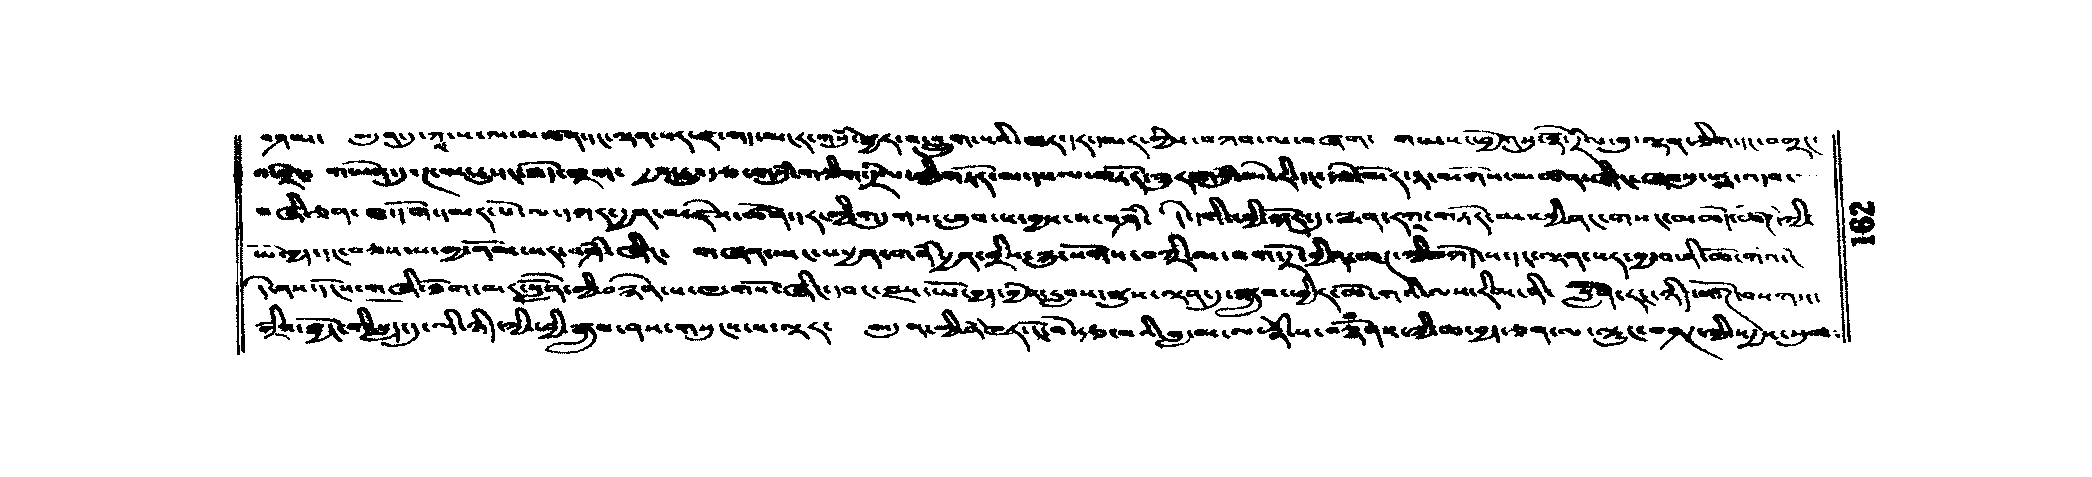བཤམ། མདུན་དུ་ཀཱ་པ་ལ་མཚན་དང་ལྡན་པར་ཛ་གད་མངར་གསུམ་སྦྱར་བ་བླུག་པའི་ཁར་དར་དམར་གྱིས་བཀའ་ལ་བཞག གཡས་ཕྱོགས་སུ་རྡོ་རྗེ་དྲིལ་བུ་ལྷན་ཅིག་དང་བགྲང་
ཕྲེང་། གཡོན་དུ་ཌཱ་མ་རུ་དང་ཐོད་ཁྲག རྒྱབ་ཏུ་རྩ་གསུམ་གཅིག་དྲེལ་གྱི་གཏོར་མ་དང་དཔལ་གཏོར་ཟུང་གསུམ་མེ་རི་དང་རྩེ་མོར་རྟ་མགོས་མཚན་ཞིང་ཞབས་སུ་པདྨ་འདབ་
བཞི་ཅན་ཁ་དོག་དམར་པོ་ལ་དཀར་རྒྱན་མཛེས་ཚོན་དར་གྱི་གདུགས་ཕུབ་པ་བྱས་པ་བཤམ།དེ་དག་གི་ཕྱིར་སྒོར་དུ་སྨན་རཀཱ་གཏོར་མ་ཕྱི་ནང་གསང་མཆོད་ཚོགས་ཀྱི་
ཡོ་བྱད་དང་བཅས་པ་གྱ་ནོམ་པར་བཤམ་ཞིང་། གཞན་ཡང་ས་རྒྱན་གནམ་རྒྱན་བྲིས་སྐུ་སོགས་བཀྲ་ཤི་ལ་བག་དྲོ་བྱིན་ཆགས་ཀྱི་བཀོད་པ་དང་ལྡན་པར་བྱ་བ་ནི་ཆོ་གའོ། 
དེ་ནས་དངོས་གཞི་ཐོག་མར་སློབ་དཔོན་གྱི་བསྙེན་པ་ཁ་གསོ་ཞིང་དབང་རྫས་ཡོ་བྱད་བྱིན་རླབས་ནུས་ལྡན་དུ་སྒྲུབ་ཕྱིར་ཆོ་གའི་ལས་རིམ་ནི། སློབ་དཔོན་རང་ཉིད་ཚོགས་བསག་ང་
སྒྲིབ་སྦྱོང་གི་སླད་དུ་འདི་ཉིད་ཀྱི་ཕྱི་སྒྲུབ་ནས་གསུངས་པ་ལྟར། མདུན་གྱི་ནམ་མཁར་ངོ་བོ་རྩ་བའི་བླ་མ་ལ་རྣམ་པ་བཅོམ་ལྡན་འདས་ཀྱི་ཆ་བྱད་ཅན་ལ་ལྟུང་བཤགས་ཀྱི་སངས་རྒྱས་སུམ་